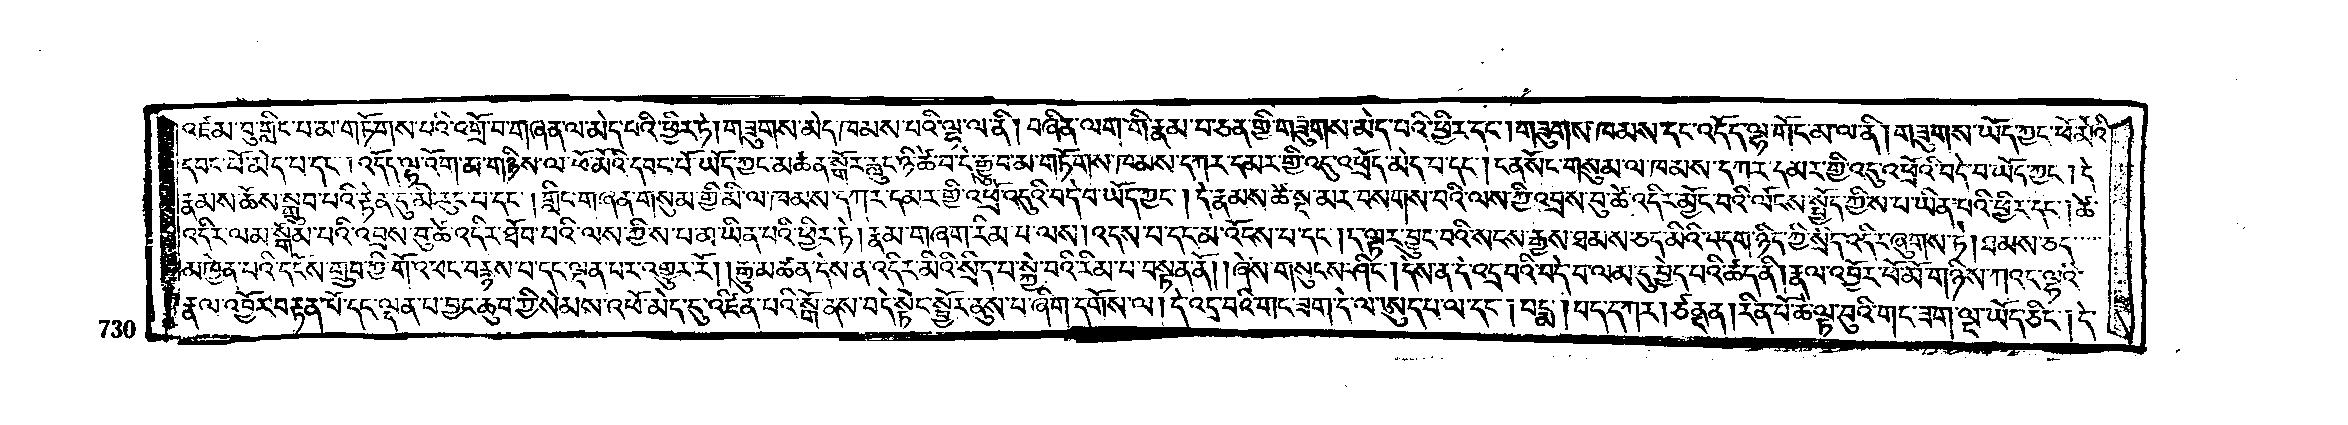འཛམ་བུ་གླིང་པ་མ་གཏོགས་པའི་འགྲོ་བ་གཞན་ལ་མེད་པའི་ཕྱིར་ཏེ། གཟུགས་མེད་ཁམས་པའི་ལྷ་ལ་ནི། བཞིན་ལག་གི་རྣམ་པ་ཅན་གྱི་གཟུགས་མེད་པའི་ཕྱིར་དང་། གཟུགས་ཁམས་དང་འདོད་ལྷ་གོང་མ་ལ་ནི། གཟུགས་ཡོད་ཀྱང་ཕོ་མོའི་
དབང་པོ་མེད་པ་དང་། འདོད་ལྷ་འོག་མ་གཉིས་ལ་ཕོ་མོའི་དབང་པོ་ཡོད་ཀྱང་མཚན་སྒོར་རླུང་ཉི་ཚེ་བ་དེ་རྒྱུ་བ་མ་གཏོགས་ཁམས་དཀར་དམར་གྱི་འདུ་འཕྲོད་མེད་པ་དང་། ངན་སོང་གསུམ་ལ་ཁམས་དཀར་དམར་གྱི་འདུ་འཕྲོའི་བདེ་བ་ཡོད་ཀྱང་། དེ་
རྣམས་ཆོས་སྒྲུབ་པའི་རྟེན་དུ་མི་རུང་བ་དང་། གླིང་གཞན་གསུམ་གྱི་མི་ལ་ཁམས་དཀར་དམར་གྱི་འཕྲོ་འདུའི་བདེ་བ་ཡོད་ཀྱང་། དེ་རྣམས་ཚེ་སྔ་མར་བསགས་པའི་ལས་ཀྱི་འབྲས་བུ་ཚེ་འདིར་མྱོང་བའི་ལོངས་སྤྱོད་ཀྱིས་པ་ཡིན་པའི་ཕྱིར་དང་། ཚེ་
འདིར་ལམ་སྒོམ་པའི་འབྲས་བུ་ཚེ་འདིར་ཐོབ་པའི་ལས་ཀྱི་ས་པ་མ་ཡིན་པའི་ཕྱིར་ཏེ། རྣམ་གཞག་རིམ་པ་ལས། འདས་པ་དང་མ་འོངས་པ་དང་། ད་ལྟར་བྱུང་བའི་སངས་རྒྱས་ཐམས་ཅད་མིའི་བདག་ཉིད་ཀྱི་སྲིད་འདིར་ཞུགས་ཏེ། ཐམས་ཅད་
མཁྱེན་པའི་དངོས་གྲུབ་ཀྱི་གོ་འཕང་བརྙས་པ་དང་ལྡན་པར་འགྱུར་རོ། །རྒྱུ་མཚན་དེས་ན་འདིར་མིའི་སྲིད་པ་སྐྱེ་བའི་རིམ་པ་བསྟན་ནོ། །ཞེས་གསུངས་ཤིང་། དེས་ན་དེ་འདྲ་བའི་བདེ་བ་ལམ་དུ་བྱེད་པའི་ཚད་ནི། རྣལ་འབྱོར་ཕོ་མོ་གཉིས་ཀའང་ལྷའི་
རྣལ་འབྱོར་བརྟན་པོ་དང་ལྡན་པ་བྱང་ཆུབ་ཀྱི་སེམས་འཕོ་མེད་དུ་འཛིན་པའི་སྒོ་ནས་བདེ་སྟོང་སྦྱོར་ནུས་པ་ཞིག་དགོས་ལ། དེ་འདྲ་བའི་གང་ཟག་དེ་ལ་ཨུད་པ་ལ་དང་། པདམ། པད་དཀར། ཙནྡན། རིན་པོ་ཆེ་ལྟ་བུའི་གང་ཟག་ལྔ་ཡོད་ཅིང་།དེ་